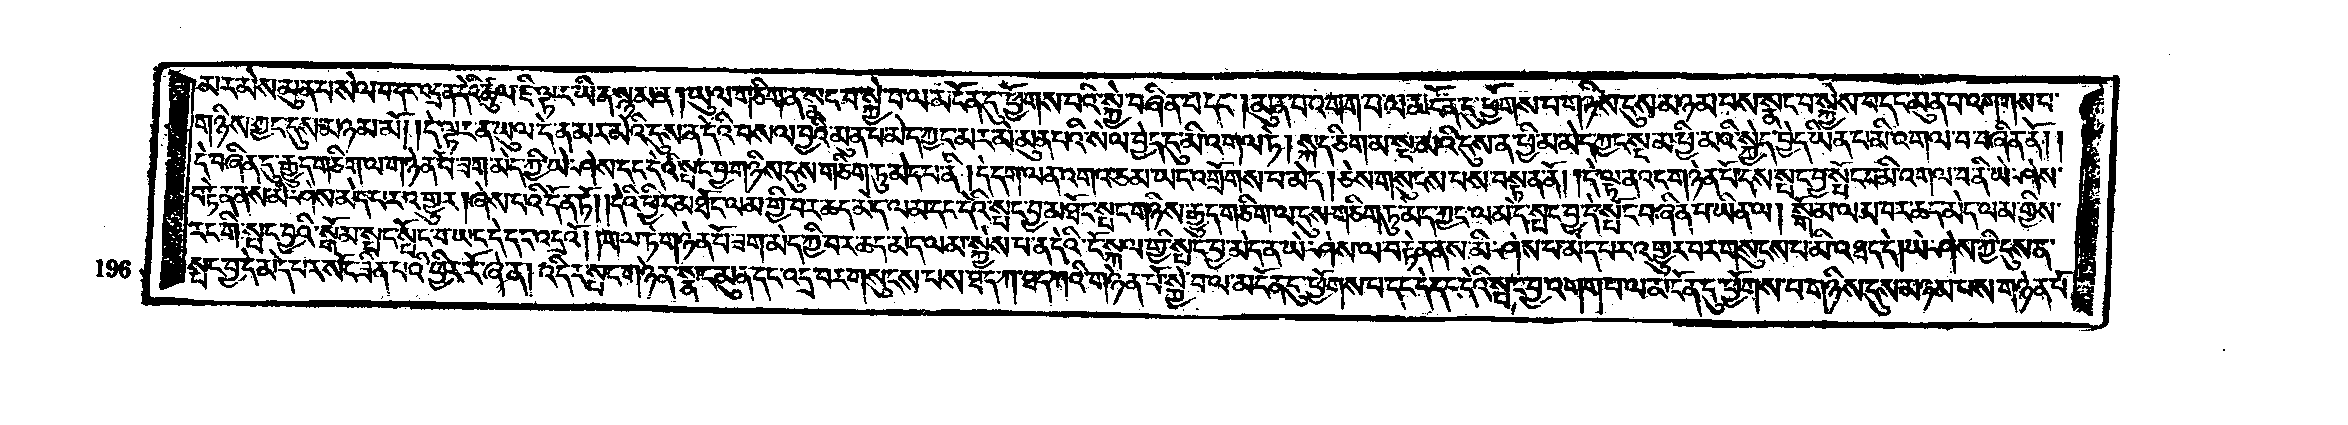མར་མེས་མུན་པ་སེལ་བ་དང་འདྲ་ན་དེའི་ཚུལ་ཇི་ལྟར་ཡིན་སྙམ་ན། ཡུལ་གཅིག་ན་སྣང་པ་སྐྱེ་བ་ལ་མངོན་དུ་ཕྱོགས་པའི་སྐྱེ་བཞིན་པ་དང་། མུན་པ་འགག་པ་ལ་མངོན་དུ་ཕྱོགས་པ་གཉིས་དུས་མཉམ་པས་སྣང་པ་སྐྱེས་པ་དང་མུན་པ་འགགས་པ་
གཉིས་ཀྱང་དུས་མཉམ་མོ། །དེ་ལྟར་ན་ཡུལ་དེ་ན་མར་མེའི་དུས་ན་དེའི་བསྐལ་བྱའི་མུན་པ་མེད་ཀྱང་མར་མེ་མུན་པའི་སེལ་བྱེད་དུ་མི་འགལ་ཏེ། སྐད་ཅིག་མ་སྔ་མའི་དུས་ན་ཕྱི་མ་མེད་ཀྱང་སྔ་མ་ཕྱི་མའི་སྐྱེད་བྱེད་ཡིན་པ་མི་འགལ་བ་བཞིན་ནོ། །
དེ་བཞིན་དུ་རྒྱུད་གཅིག་ལ་གཉེན་པོ་ཟག་མེད་ཀྱི་ཡེ་ཤེས་དང་དེའི་སྤང་བྱ་གཉིས་དུས་གཅིག་ཏུ་མེད་པ་ནི་།དེ་དག་ལན་འགའ་ཅམ་ཡང་འགྲོགས་པ་མེད། ཅེས་གསུང་པས་བསྟན་ནོ། །དེ་ལྟ་ནའན་གཉེན་པོ་དས་སྤང་བྱ་སྤོང་པ་མི་འགལ་བ་ནི་ཡེ་ཤེས་
བརྟེན་ནས་མི་ཤེས་མེད་པར་འགྱུར། ཞེས་པའི་དོན་ཏོ། །དེའི་ཕྱིར་མཐོང་ལམ་གྱི་བར་ཆད་མེད་ལམ་དང་དེའི་སྤང་བྱ་མཐོང་སྤང་གཉིས་རྒྱུད་གཅིག་ལ་དུས་གཅིག་ཏུ་མེད་ཀྱང་ལམ་དེ་སྤང་བྱ་དེ་སྤོང་བཞིན་པ་ཡིན་ལ། སྒོམ་ལམ་པར་ཆད་མེད་ལམ་གྱིས་
རང་གི་སྤང་བྱའི་སྒོམ་སྤང་སྤོང་པ་ཡང་དེ་དང་འདྲའོ། །གལ་ཏེ་གཉེན་པོ་ཟག་མེད་ཀྱི་བར་ཆད་མེད་ལམ་སྐྱེས་པ་ན་དེའི་ངོ་སྐལ་གྱི་སྤང་བྱ་མེད་ན་ཡེ་ཤེས་ལ་བརྟེན་ནས་མི་ཤེས་པ་མེད་པར་འགྱུར་བར་གསུངས་པ་མི་འཐད་དེ། ཡེ་ཤེས་ཀྱི་དུས་ན་
སྤང་བྱ་དེ་མེད་པར་སོང་ཟིན་པའི་ཕྱིར་རོ་ཞེ་ན། འདིར་སྤང་གཉེན་སྣང་མུན་དང་འདྲ་བར་གསུངས་པས་ཐད་ཀ་ཐད་ཀའི་གཉེན་པོ་སྐྱེ་བ་ལ་མངོན་དུ་ཕྱོགས་པ་དང་དེ་དང་དེའི་སྤང་བྱ་འགག་པ་ལ་མངོན་དུ་ཕྱོགས་པ་གཉིས་དུས་མཉམ་པས་གཉེན་པོ་